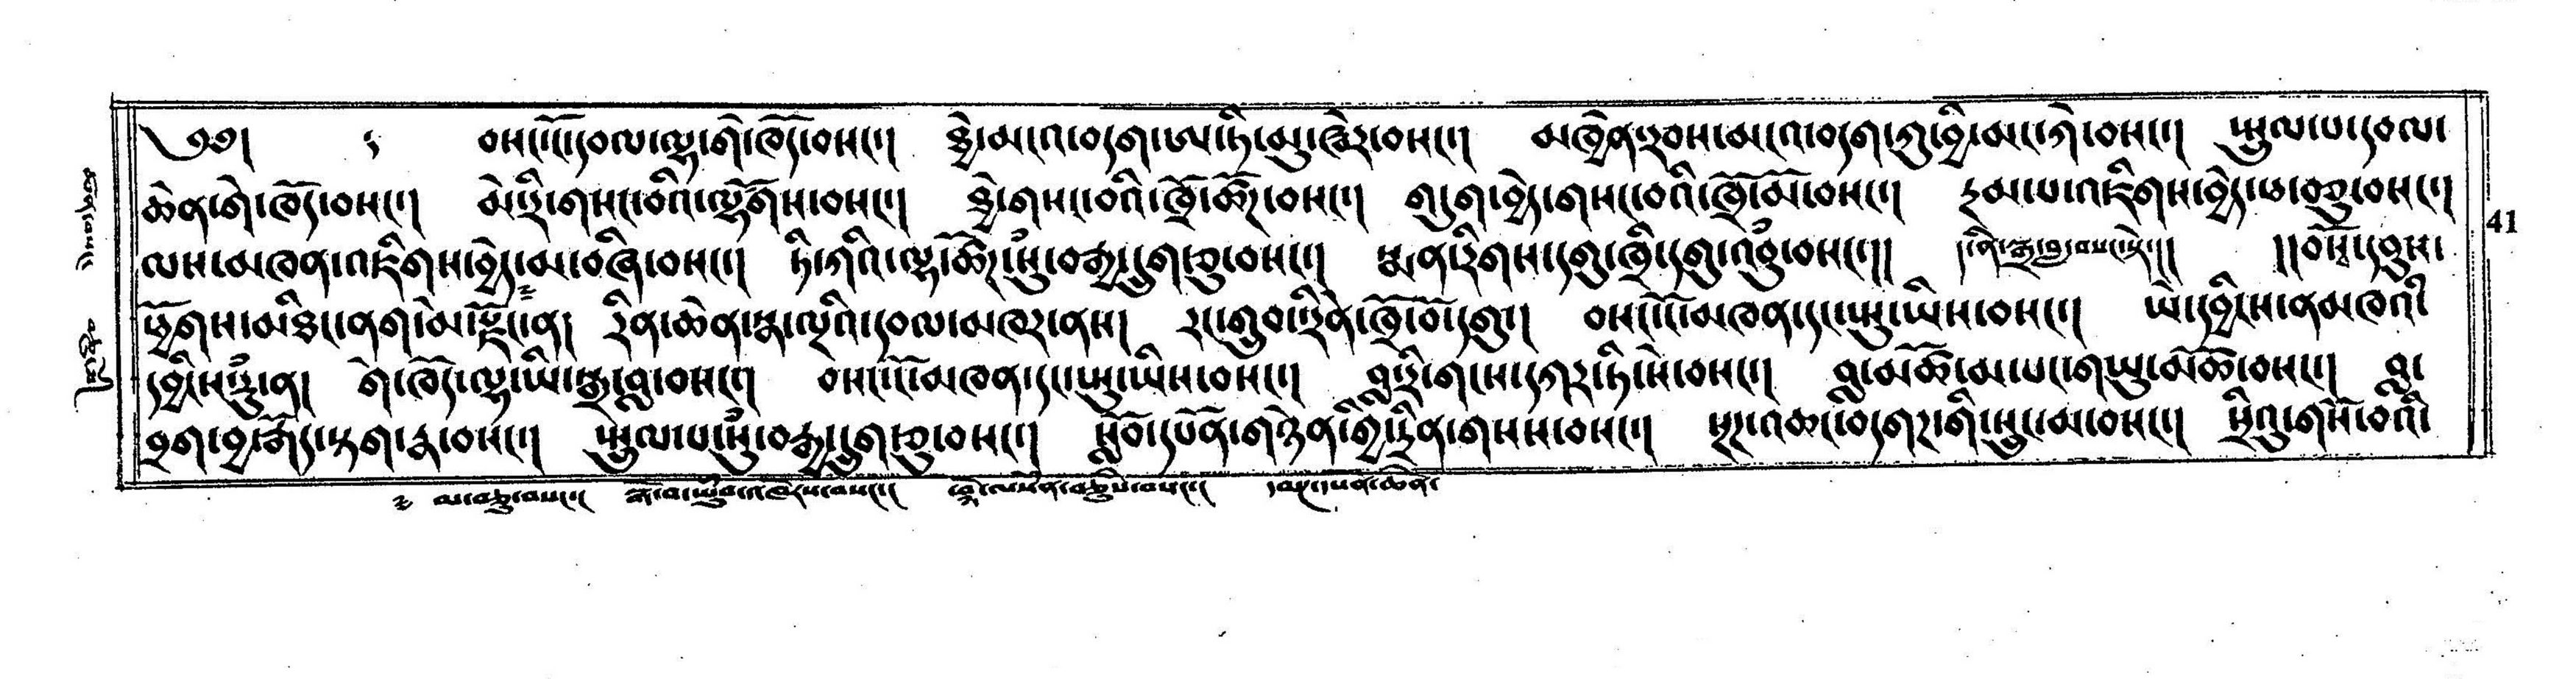བསང་ངོ་དབལ་ལྷ་གེ་ཁོད་བསང་། ཐུགས་རྗེ་མངའ་བདག་ཨ་ཏི་མུ་ཝེར་བསང་། མཁྱེན་རབ་མངའ་བདག་ཀུ་བྱི་མང་ཀེ་བསང་། སྤྲུལ་པ་དབལ་
ཆེན་གེ་ཁོད་བསང་། མེ་རི་གསང་བའི་ལྷ་ཚོགས་བསང་། ཐུགས་རྗེ་གསང་བའི་ཁྲོ་ཚོགས་བསང་། གདུག་བྱེད་གསང་བའི་ཁྲོ་མོ་བསང་། རྔམ་པ་འཇིགས་བྱེད་ཕ་བཅུ་བསང་། 
ལས་མཁན་འཇིགས་བྱེད་མ་བཅུ་བསང་། སྒོ་བ་ཡབ་ཡུམ་འཁོར་བཅས་བསང་། ཕོ་ཉ་ལས་མཁན་བཅུ་གཉིས་བསང་། དམག་དཔོན་ཆེན་པོ་མ་བཞི་བསང་། ཏི་ཀའི་ལྷ་ཚོགས་སུམ་བརྒྱ་དྲུག་ཅུ་བསང་། སྨན་རིགས་དགུ་ཁྲི་དགུ་འབུམ་བསང་།། ད་ནི་སྒྲ་བླ་བསང་སྟེ།། །།བསྭོ་དབུས་
ཕྱོགས་མཐིང་ནག་མེ་རྫོང་ན། རིན་ཆེན་སྣ་ལྔའི་དབལ་མཁར་ནས། རང་གྲུབ་རིན་ཆེན་ཁྲོ་བོ་དགུ། བསང་ངོ་མཁན་དང་སྤུ་ཡིས་བསང་། ཡེ་དབྱིངས་ནམ་མཁའི་
དབྱིངས་རུམ་ན། གེ་ཁོད་ལྷ་ཡི་སྒྲ་བླ་བསང་། བསང་ངོ་མཁན་དང་སྤུ་ཡིས་བསང་། བླ་རི་གངས་དཀར་ཏི་སེ་བསང་། བླ་མཚོ་མ་པང་གཡུ་མཚོ་བསང་། བླ་
བྲག་བྱ་རྒོད་སྟག་རྣ་བསང་། སྤྲུལ་པ་སུམ་བརྒྱ་དྲུག་ཅུ་བསང་། སློབ་དཔོན་གཉེན་གྱི་དྲིན་གསས་བསང་། སྔགས་འཆང་བདག་ཅག་གི་སྲུང་མ་བསང་། སྲིའུ་གསོ་བའི་